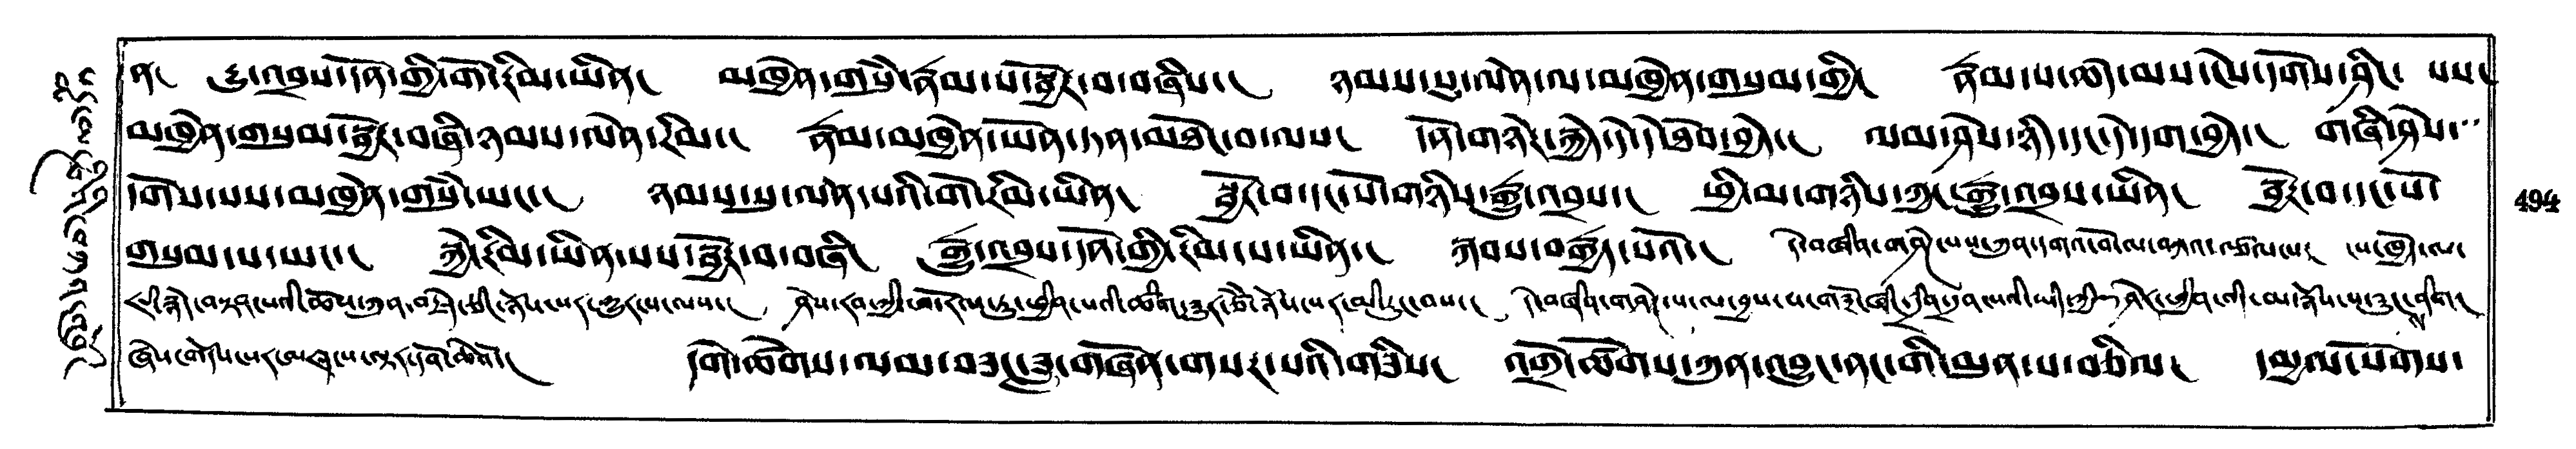ན། །རྒྱུ་འབྲས་དོན་གྱི་གོ་རིམ་ཡིན། །མཁྱེན་གསུམ་རྣམ་པ་སྦྱོར་བ་བཞིས། །ཉམས་སུ་ལེན་ལ་མཁྱེན་གསུམ་གྱི། །རྣམ་པ་ཚད་མས་ངེས་དགོས་ཤིང་། །
མཁྱེན་གསུམ་སྦྱོར་བཞི་ཉམས་ལེན་རིམ། །རྣམ་མཁྱེན་ཡོན་ཏན་མཐོང་བ་ལས། །དོན་གཉེར་སྐྱེད་དེ་དེ་འཐོབ་བྱེད། །ལམ་ཤེས་ཉིད་དང་དེ་དག་བྱེད། །གཞི་ཤེས་
དགོས་པས་མཁྱེན་གསུམ་ཡང་། །ཉམས་སུ་ལེན་པའི་གོ་རིམ་ཡིན། །སྦྱོར་བ་དང་པོ་གཉིས་རྒྱུ་འབྲས། །ཕྱི་མ་གཉིས་ཀྱང་རྒྱུ་འབྲས་ཡིན། །སྦྱོར་བ་དང་པོ་
གསུམ་པ་ཡང་། །སྐྱེ་རིམ་ཡིན་པས་སྦྱོར་བ་བཞི། །རྒྱུ་འབྲས་དོན་གྱི་རིམ་པ་ཡིན།།སྐབས་བརྒྱད་པའོ།། དེ་བཞིན་གཤེགས་པས་ཀུན་དགའ་བོ་ལ་བཀའ་བསྩལ་པ། །ངས་ཁྱོད་ལ་
ཇི་སྙེད་བསྟན་པའི་ཆོས་ཀུན་བརྗེད་ཅིང་ཉམས་པར་གྱུར་པ་ལས། ཤེས་རབ་ཀྱི་ཕ་རོལ་ཏུ་ཕྱིན་པའི་ཚིག་ཟུར་ཙམ་ཉམས་པར་མི་རུང་བས། དེ་བཞིན་གཤེགས་པ་ལ་བྱས་པ་གཟོ་ཞིང་དྲིན་དྲན་པའི་ཡིད་ཀྱིས་ཤེར་ཕྱིན་འདི་མ་ཉམས་པར་ཟུངས་ཤིག 
ཅེས་གདམས་པར་མཛད་པ་ལྟར་དོན་ཆེའོ། དགེ་ཚོགས་ལམ་བཟང་ཟླ་གཞོན་གསར་པའི་གཟིས། །འགྲོ་ཚོགས་ཀུན་འབྱུང་ནང་གི་མུན་པ་བཅིལ། །དམྱལ་སོགས་